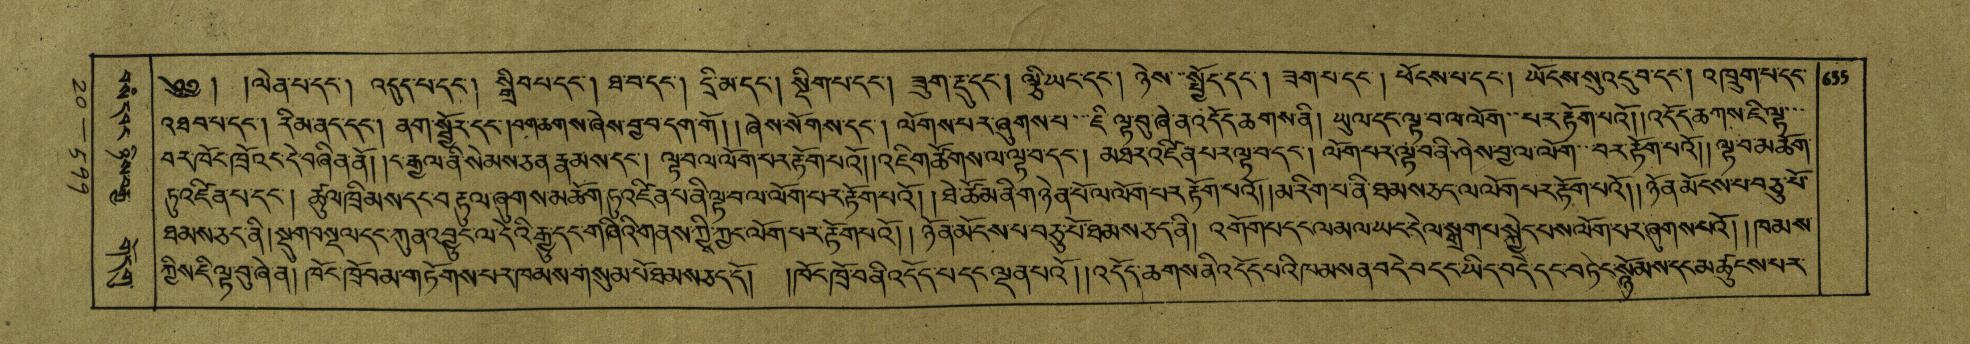༄༅། །ལེན་པ་དང་། འདུད་པ་དང་། སྒྲིབ་པ་དང་། ཐ་བ་དང་། དྲི་མ་དང་། སྡིག་པ་དང་། ཟུག་རྡུ་དང་། ལྕི་ཡང་དང་། ཉེས་སྤྱོད་དང་། ཟག་པ་དང་། ཕོངས་པ་དང་། ཡོངས་སུ་འདུ་བ་དང་། འཁྲུག་པ་དང་
འཐབ་པ་དང་། རིམ་ནད་དང་། ནག་སྦྱོར་དང་། བག་ཆགས་ཞེས་བྱ་བ་དག་གོ། །ཞེས་སོགས་དང་། ལོགས་པར་ཞུགས་པ་ཇི་ལྟ་བུ་ཞེ་ན་འདོད་ཆགས་ནི། ཡུལ་དང་ལྟ་བ་ལ་ལོག་པར་རྟོག་པའོ། །འདོད་ཆགས་ཇི་ལྟ་
བར་ཁོང་ཁྲོའང་དེ་བཞིན་ནོ། །ང་རྒྱལ་ནི་སེམས་ཅན་རྣམས་དང་། ལྟ་བ་ལ་ལོག་པར་རྟོག་པའོ། །འཇིག་ཚོགས་ལ་ལྟ་བ་དང་། མཐར་འཛིན་པར་ལྟ་བ་དང་། ལོག་པར་ལྟ་བ་ནི་ཤེས་བྱ་ལ་ལོག་བར་རྟོག་པའོ། །ལྟ་བ་མཆོག་
ཏུ་འཛིན་པ་དང་། ཚུལ་ཁྲིམས་དང་བརྟུལ་ཞུགས་མཆོག་ཏུ་འཛིན་པ་ནི་ལྟ་བ་ལ་ལོག་པར་རྟོག་པའོ། །ཐེ་ཚོམ་ནི་གཉེན་པོ་ལ་ལོག་པར་རྟོག་པའོ། །མ་རིག་པ་ནི་ཐམས་ཅད་ལ་ལོག་པར་རྟོག་པའོ། །ཉོན་མོངས་པ་བཅུ་པོ་
ཐམས་ཅད་ནི། སྡུག་བསྔལ་དང་ཀུན་འབྱུང་ལ་དེའི་རྒྱུ་དང་གཞིའི་གནས་ཀྱིས་ཀྱང་ལོག་པར་རྟོག་པའོ། །ཉོན་མོངས་པ་བཅུ་པོ་ཐམས་ཅད་ནི། འགོག་པ་དང་ལམ་ལ་ཡང་དེ་ལ་སྒྲག་པ་སྐྱེད་པས་ལོག་པར་ཞུགས་པའོ། །ཁམས་
ཀྱིས་ཇི་ལྟ་བུ་ཞེ་ན། ཁོང་ཁྲོ་བ་མ་གཏོགས་པར་ཁམས་གསུམ་པོ་ཐམས་ཅད་དོ། །ཁོང་ཁྲོ་བ་ནི་འདོད་པ་དང་ལྡན་པའོ། །འདོད་ཆགས་ནི་འདོད་པའི་ཁམས་ན་བདེ་བ་དང་ཡིད་བདེ་དང་བཏང་སྙོམས་དང་མཚུངས་པར་